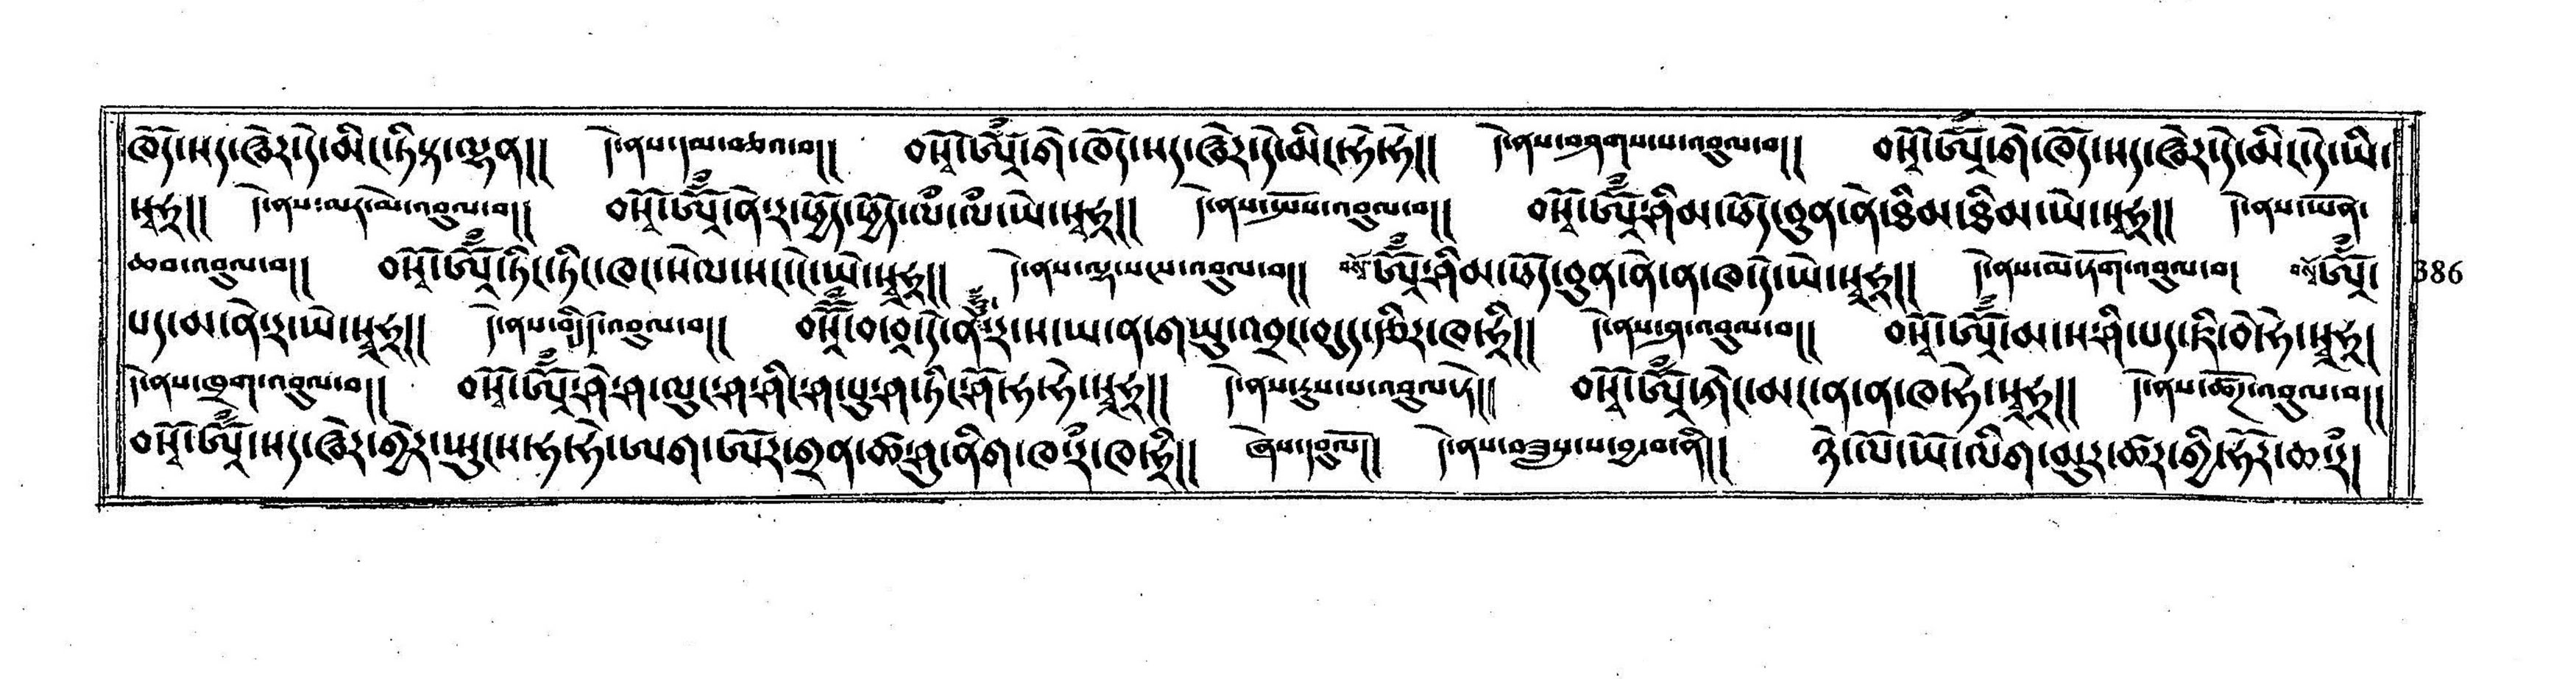ཁོད་སད་ཝེར་དེ་མིང་ཏི་སྟ་ལྷན།། དེ་ནས་དམ་བཅའ་བ།། བསྭོ་ཨཱོཾ་གེ་ཁོད་སད་ཝེར་དེ་མིང་ཧེ་ཧེ།། དེ་ནས་བཤགས་པ་འབུལ་བ།། བསྭོ་ཨཱོཾ་གེ་ཁོད་སད་ཝེར་དེ་མིང་དེ་ཡི་
སྭཱཧཱ།། དེ་ནས་མར་མེ་འབུལ་བ།། བསྭོ་ཨཱོཾ་ནེ་ར་ཕྱོད་ཕྱོད་ལཾ་ལཾ་ཡེ་སྭཧཱ།། དེ་ནས་སྤོས་འབུལ་བ།། བསྭོ་ཨཱོཾ་ཤིམ་ཕོད་བུན་ནེ་ཐིམ་ཐིམ་ཡེ་སྭཧཱ།། དེ་ནས་ཡོན་
ཆབ་འབུལ་བ།། བསྭོ་ཨཱོཾ་ཏིང་ཏིང་ཁང་སེལ་སང་ངེ་ཡེ་སྭཱཧཱ།། དེ་ནས་ལྷ་སངས་འབུལ་བ།། བསྭོ་ཨཱོཾ་ཤིམ་ཕོད་བུན་ནེ་ན་ཁ་དེ་ཡེ་སྭཱཧཱ།། དེ་ནས་མེ་ཏོག་འབུལ་བ། བསྭོ་ཨཱོཾ་
པད་མ་ནེ་ར་ཡེ་སྭཱཧཱ།། དེ་ནས་བདུད་རྩི་འབུལ་བ།། བསྭོ་ཨཱོཾ་བ་བཱ་དེ་ན་ཧཱུྃ་ར་ས་ཡ་ན་གཡུ་འབྲང་བདུད་རྩི་ཁ་ཧཱི།། དེ་ནས་ཤ་འབུལ་བ།། བསྭོ་ཨཱོཾ་མ་ས་ཤི་པད་ཇི་བེ་ཧེ་སྭཱཧཱ། 
དེ་ནས་ཁྲག་འབུལ་བ།། བསྭོ་ཨཱོཾ་ཤེ་ཤ་ལུང་ཤ་ཤིང་ཤ་པུ་ཤ་ཏིང་ཤོ་ཧ་ཧེ་སྭཱཧཱ།། དེ་ནས་རུས་པ་འབུལ་ཏེ།། བསྭོ་ཨཱོཾ་ཀེང་མང་ན་ན་ཁ་ཧེ་སྭཱཧཱ།། དེ་ནས་ཚོགས་འབུལ་བ།། 
བསྭོ་ཨཱོཾ་སད་ཝེར་གྱེར་སྤུངས་ཧ་ཧེ་ཨག་ཨོར་གྲན་ཚ་ཤུ་ནིག་ཁ་རཾ་ཁ་ཧཱི།། ཞེས་དབུལ་ལོ།། དེ་ནས་བཟླས་པ་བྱ་བ་ནི།། ཉེ་ལོ་ཡོ་ལིག་མུར་ཚར་གྱི་ཧོར་ཆ་རཾ།